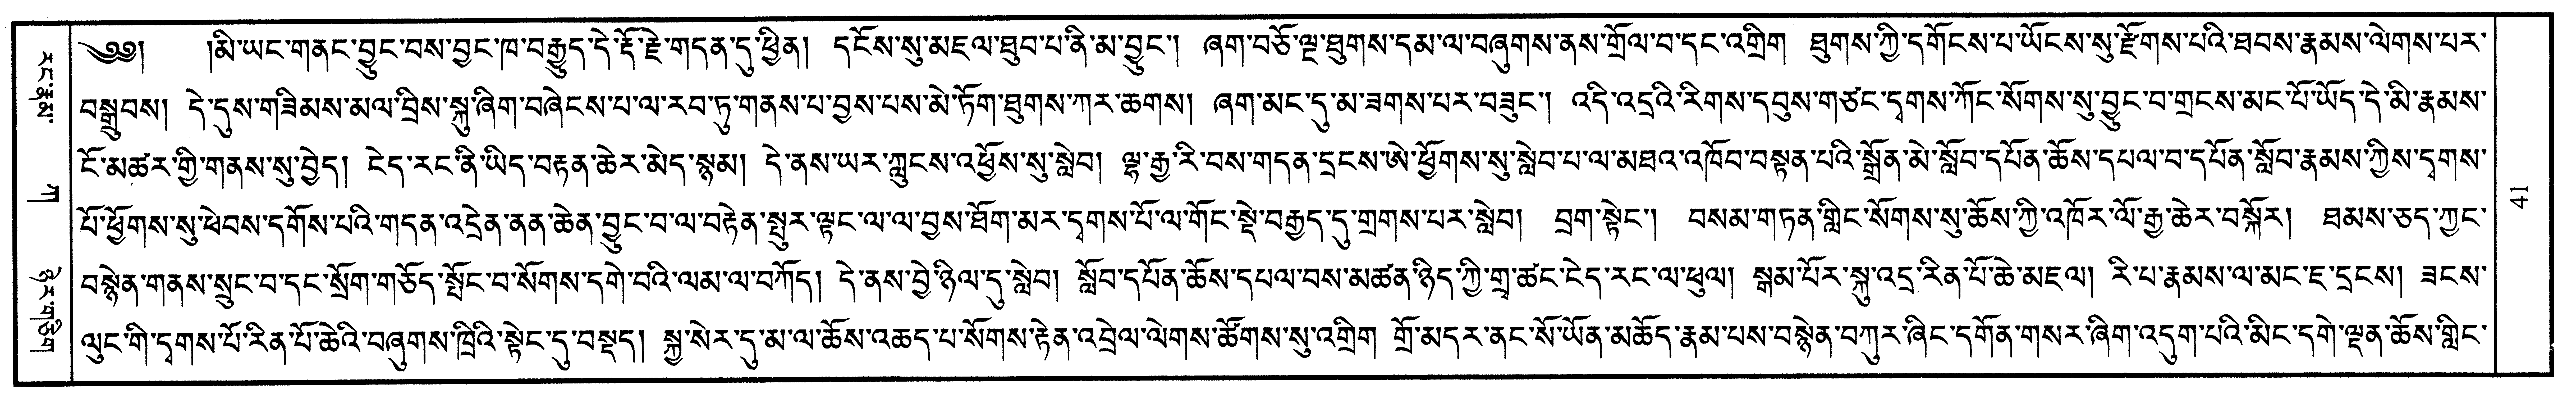༄༅། །མི་ཡང་གནང་བྱུང་བས་བྱང་ཁ་བརྒྱུད་དེ་རྡོ་རྗེ་གདན་དུ་ཕྱིན། དངོས་སུ་མཇལ་ཐུབ་པ་ནི་མ་བྱུང་། ཞག་བཅོ་ལྔ་ཐུགས་དམ་ལ་བཞུགས་ནས་གྲོལ་བ་དང་འགྲིག་ཐུགས་ཀྱི་དགོངས་པ་ཡོངས་སུ་རྫོགས་པའི་ཐབས་རྣམས་ལེགས་པར་
བསྒྲུབས། དེ་དུས་གཟིམས་མལ་བྲིས་སྐུ་ཞིག་བཞེངས་པ་ལ་རབ་ཏུ་གནས་པ་བྱས་པས་མེ་ཏོག་ཐུགས་ཀར་ཆགས། ཞག་མང་དུ་མ་ཟགས་པར་བཟུང་། འདི་འདྲའི་རིགས་དབུས་གཙང་དྭགས་ཀོང་སོགས་སུ་བྱུང་བ་གྲངས་མང་པོ་ཡོད་དེ་མི་རྣམས་
ངོ་མཚར་གྱི་གནས་སུ་བྱེད། ངེད་རང་ནི་ཡིད་བརྟན་ཆེར་མེད་སྙམ། དེ་ནས་ཡར་ཀླུངས་འཕྱོས་སུ་སླེབ། ལྷ་རྒྱ་རི་བས་གདན་དྲངས་ཨེ་ཕྱོགས་སུ་སླེབ་པ་ལ་མཐའ་འཁོབ་བསྟན་པའི་སྒྲོན་མེ་སློབ་དཔོན་ཆོས་དཔལ་བ་དཔོན་སློབ་རྣམས་ཀྱིས་དྭགས་
པོ་ཕྱོགས་སུ་ཕེབས་དགོས་པའི་གདན་འདྲེན་ནན་ཆེན་བྱུང་བ་ལ་བརྟེན་སྤུར་ལྟང་ལ་ལ་བྱས་ཐོག་མར་དྭགས་པོ་ལ་གོང་སྡེ་བརྒྱད་དུ་གྲགས་པར་སླེབ། བྲག་སྟེང་། བསམ་གཏན་གླིང་སོགས་སུ་ཆོས་ཀྱི་འཁོར་ལོ་རྒྱ་ཆེར་བསྐོར། ཐམས་ཅད་ཀྱང་
བསྙེན་གནས་སྲུང་བ་དང་སྲོག་གཅོད་སྤོང་བ་སོགས་དགེ་བའི་ལམ་ལ་བཀོད། དེ་ནས་བྱེ་ཉིལ་དུ་སླེབ། སློབ་དཔོན་ཆོས་དཔལ་བས་མཚན་ཉིད་ཀྱི་གྲྭ་ཚང་ངེད་རང་ལ་ཕུལ། སྒམ་པོར་སྐུ་འདྲ་རིན་པོ་ཆེ་མཇལ། རི་པ་རྣམས་ལ་མང་ཇ་དྲངས། ཟངས་
ལུང་གི་དྭགས་པོ་རིན་པོ་ཆེའི་བཞུགས་ཁྲིའི་སྟེང་དུ་བསྡད། སྐྱ་སེར་དུ་མ་ལ་ཆོས་འཆད་པ་སོགས་རྟེན་འབྲེལ་ལེགས་ཚོགས་སུ་འགྲིག་གྲོ་མདར་ནང་སོ་ཡོན་མཆོད་རྣམ་པས་བསྙེན་བཀུར་ཞིང་དགོན་གསར་ཞིག་འདུག་པའི་མིང་དགེ་ལྡན་ཆོས་གླིང་